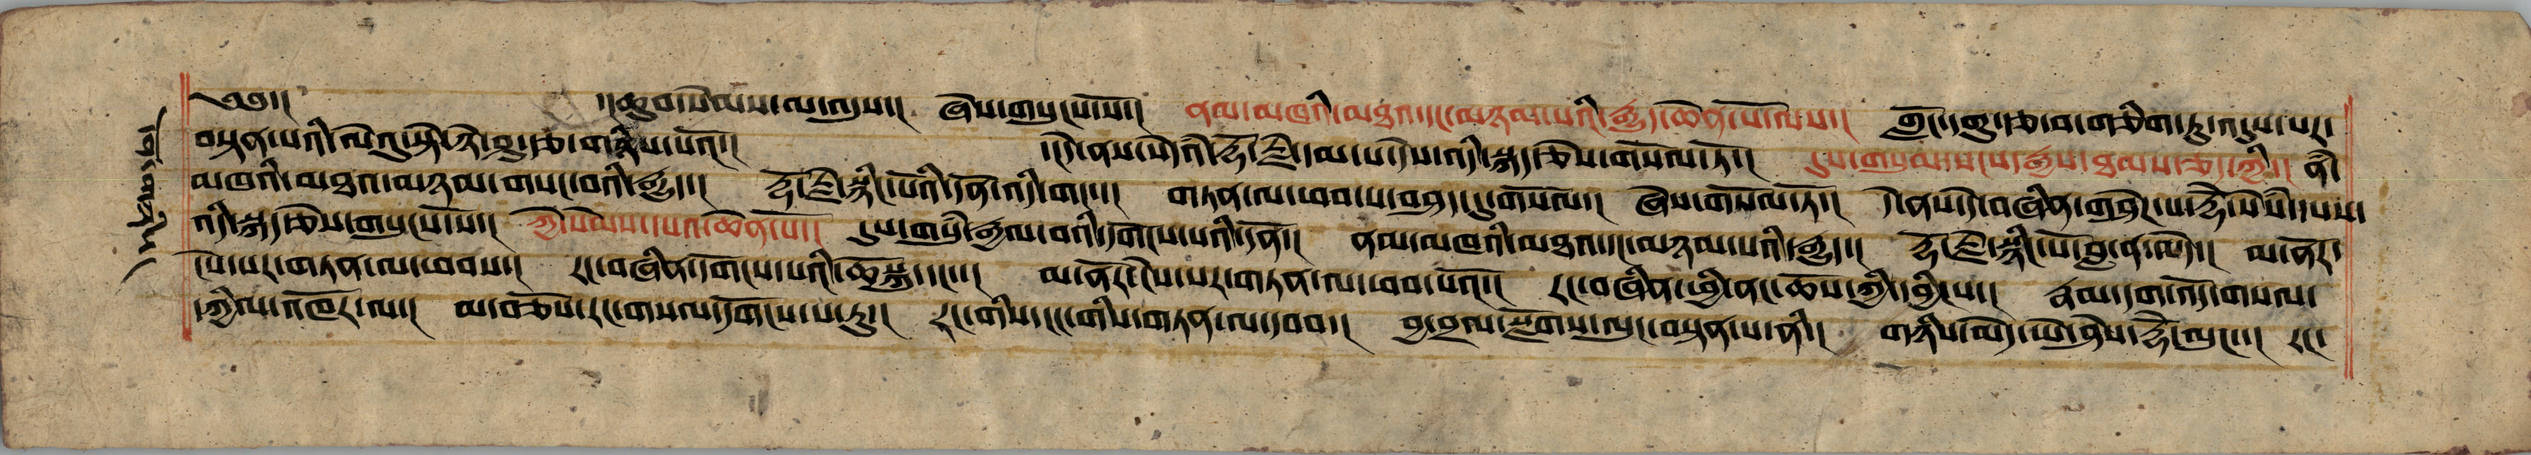༄༅་། ་།ཆུབ་སེམས་ལ་འདུས་། ཞེས་གསུངས་སོ་། ནམ་མཁའི་མཐའ་དང་མཉམ་པའི་རྒྱུད་ཆེན་པོ་ལས་། གློང་དགུ་རྩ་བ་གཅིག་ཏུ་འདུས་པར་
བསྟན་པའི་ལེའུ་སྟེ་ཉེ་ཤུ་རྩ་གཉིས་པའོ་། ་།དེ་ནས་སེདཾའ་རྡོ་རྗེ་དམ་པ་དེས་འདི་སྐད་ཅེས་གསོལ་ཏོ་། དུས་གསུམ་སངས་རྒྱས་ཐམས་ཅད་ཀྱི་། ནཾ་
མཁའི་མཐའ་མཉམ་གསང་བའི་རྒྱུད་། རྡོ་རྗེ་སྙིང་པོའི་དོན་འདི་གང་་། གཏན་ལ་ཕབ་པ་བཤད་དུ་གསོལ་། ཞེས་གསོལ་ཏོ་། དེ་ནས་དེ་བཞིན་གཤེཌ་པ་རྡོེ་སེཾས་དསས་
འདི་སྐད་ཅེས་གསུངས་སོ་། ཀྱེ་སེམས་དཔའ་ཆེན་པོ་། དུས་གསུཾ་རྒྱལ་བའི་དགོངས་པའི་དོན་། ནམ་མཁའི་མཐའ་དང་མཉམ་པའི་རྒྱུད་། རྡོ་རྗེ་སྙིང་པོ་བླ་ན་མེད་། མ་ནོར་
ངེས་པར་གཏན་ལ་ཕབས་། རང་བཞིན་དགོངས་པའི་ཆོསྐུ་དང་་། མ་ནོར་ངེས་པར་གཏན་ལ་ཕབ་པའོ་། རང་བཞིན་ཕྱི་ནང་ཆོས་ཀྱི་དབྱིངས་། རྣམ་དག་འོད་གསལ་
དཀྱིལ་འཁོར་ལ་། མ་བཅོས་རང་གསལ་དགོངས་པ་རུ་། རང་གིས་ངང་གིས་གཏན་ལ་དབབ་། བྱ་བྲལ་སྫོགས་ལུང་བསྟན་པ་ནི་། གཉིས་མེད་ཡེ་ཤེས་རྡོེ་ལུང་་། རང་